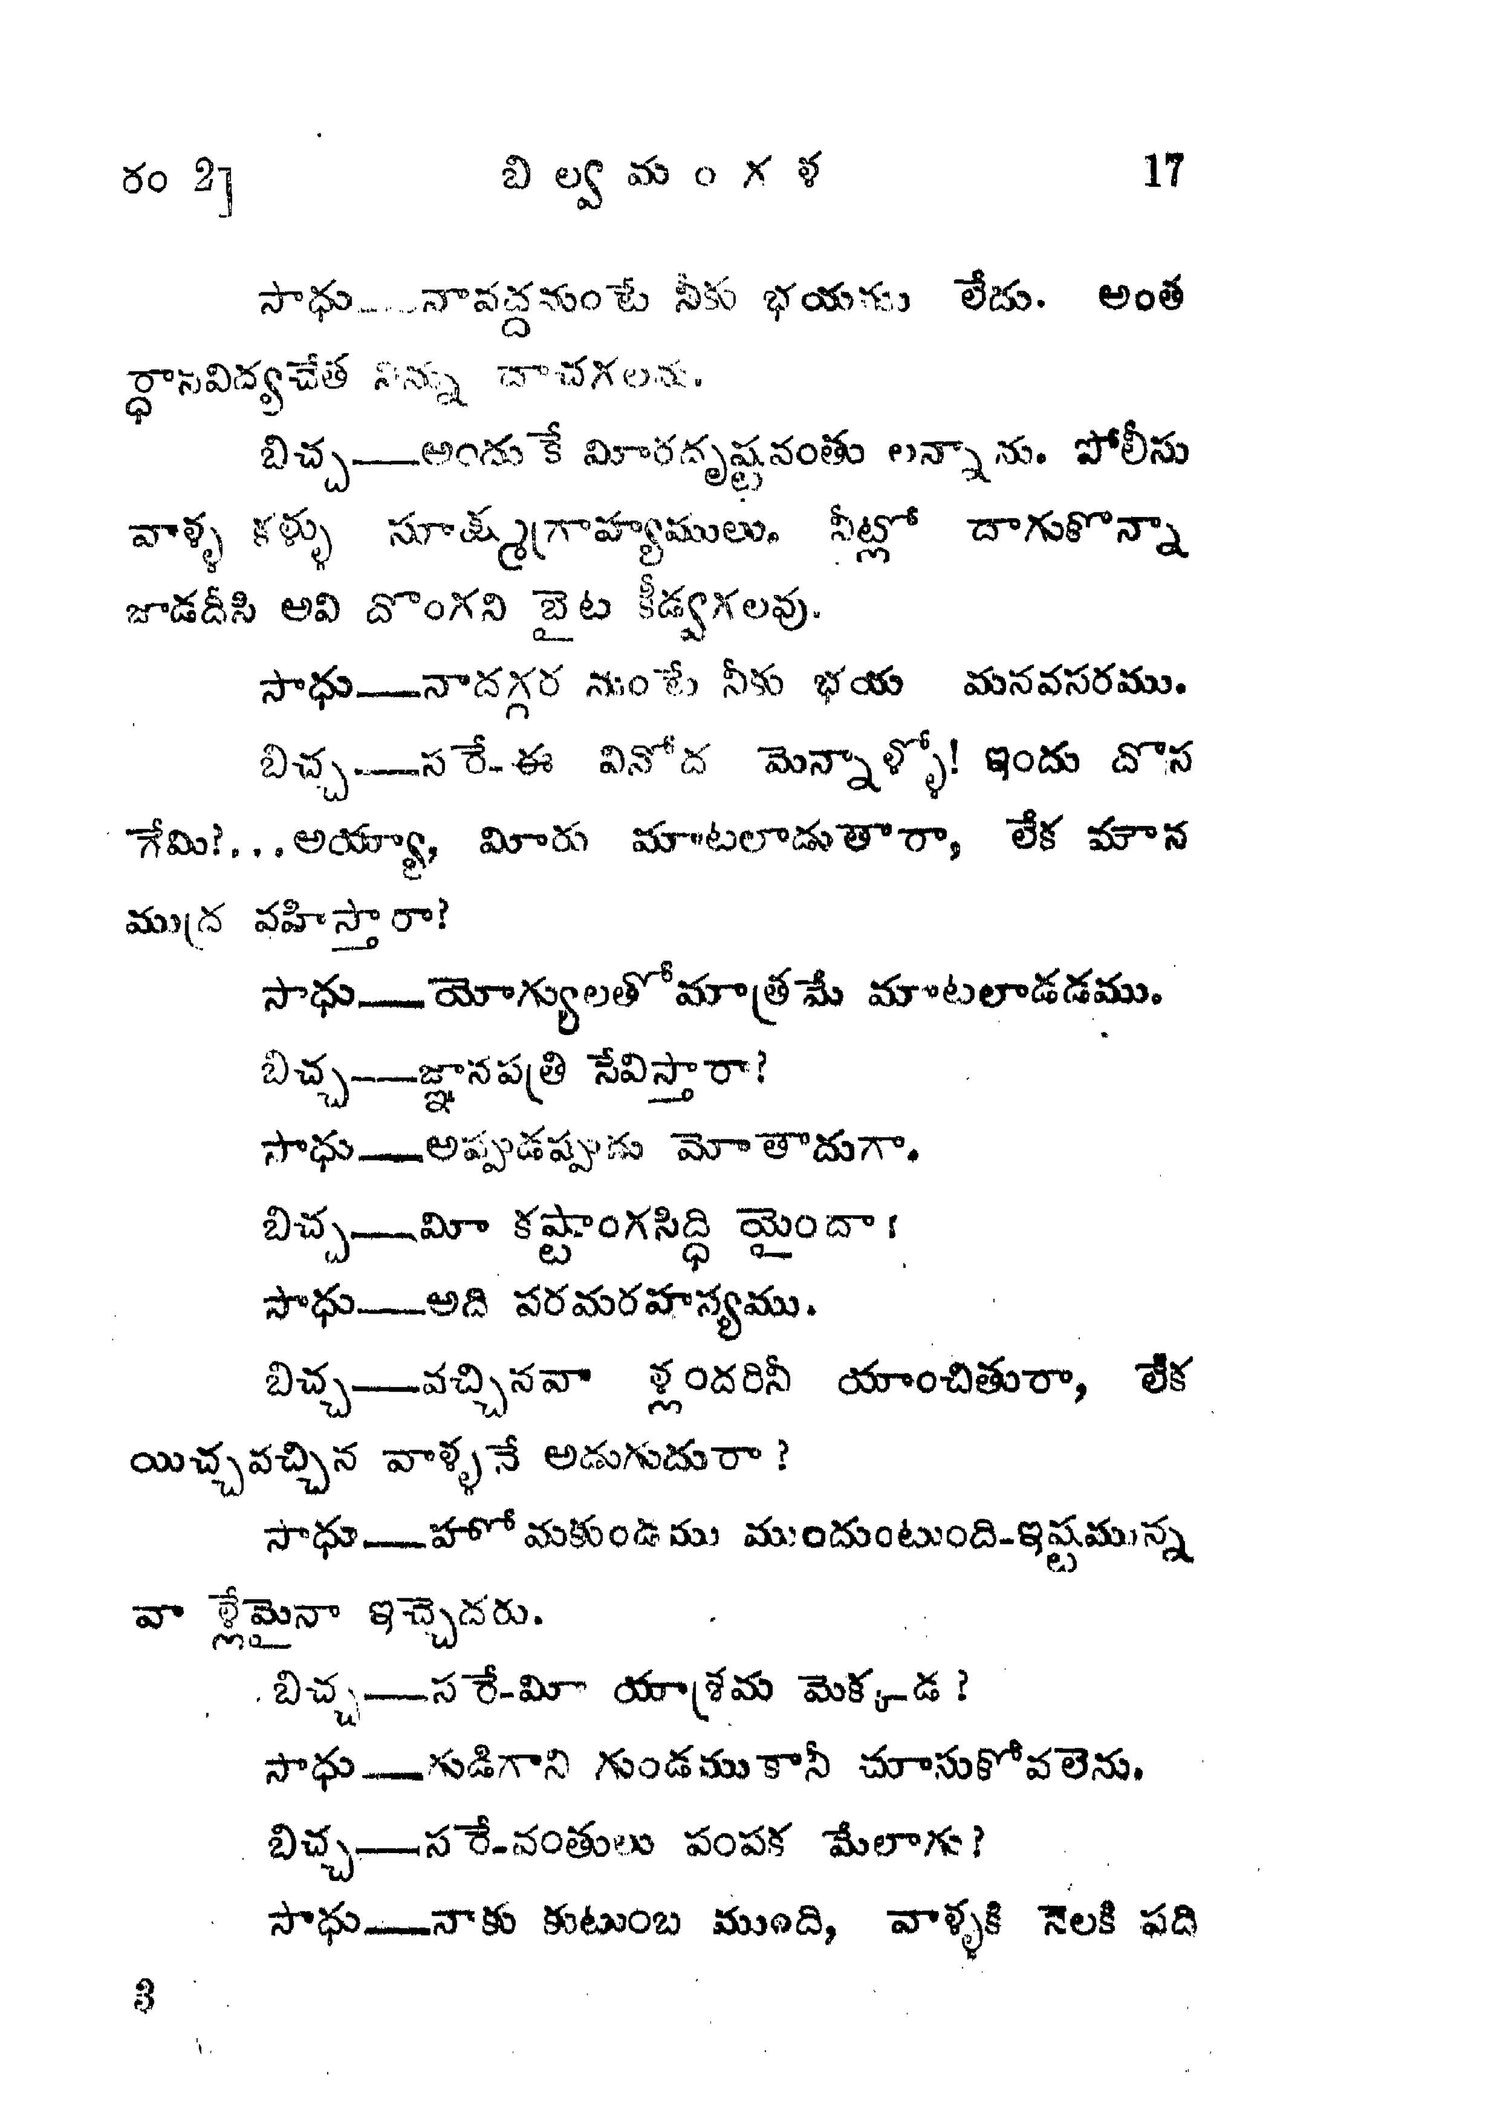సాధు - నావద్దనుంటే నీకు భయము లేదు. అంతర్ధానవిద్యచేత నిన్ను దాచగలను.

బిచ్చ - అందుకే మీరదృష్టవంతు లన్నాను. పోలీసు వాళ్ళ కళ్ళు సూక్ష్మగ్రాహ్యములు. నీట్లో దాగుకొన్నా జాడదీసి అవి దొంగని బైట కీడ్వగలవు.

సాధు - నాదగ్గర నుంటే నీకు భయ మనవసరము.

బిచ్చ - సరే - ఈ వినోద మెన్నాళ్ళో! ఇందు దొనగేమి?...అయ్యా, మీరు మాటలాడుతారా, లేక మౌనముద్ర వహిస్తారా?

సాధు - యోగ్యులతోమాత్రమే మాటలాడడము.

బిచ్చ - జ్ఞానపత్రి సేవిస్తారా?

సాధు - అప్పుడప్పుడు మోతాదుగా.

బిచ్చ - మీ కష్టాంగసిద్ధి యైందా ?

సాధు - అది పరమరహస్యము.

బిచ్చ - వచ్చినవా ళ్లందరినీ యాచింతురా, లేక యిచ్చవచ్చిన వాళ్ళనే అడుగుదురా?

సాధు - హోమకుండము ముందుంటుంది - ఇష్టమున్న వా ళ్లేమైనా ఇచ్చెదరు.

బిచ్చ - సరే - మీ యాశ్రమ మెక్కడ ?

సాధు - గుడిగాని గుండముకానీ చూసుకోవలెను.

బిచ్చ - సరే - వంతులు పంపక మేలాగు ?

సాధు - నాకు కుటుంబ ముంది, వాళ్ళకి నెలకి పది